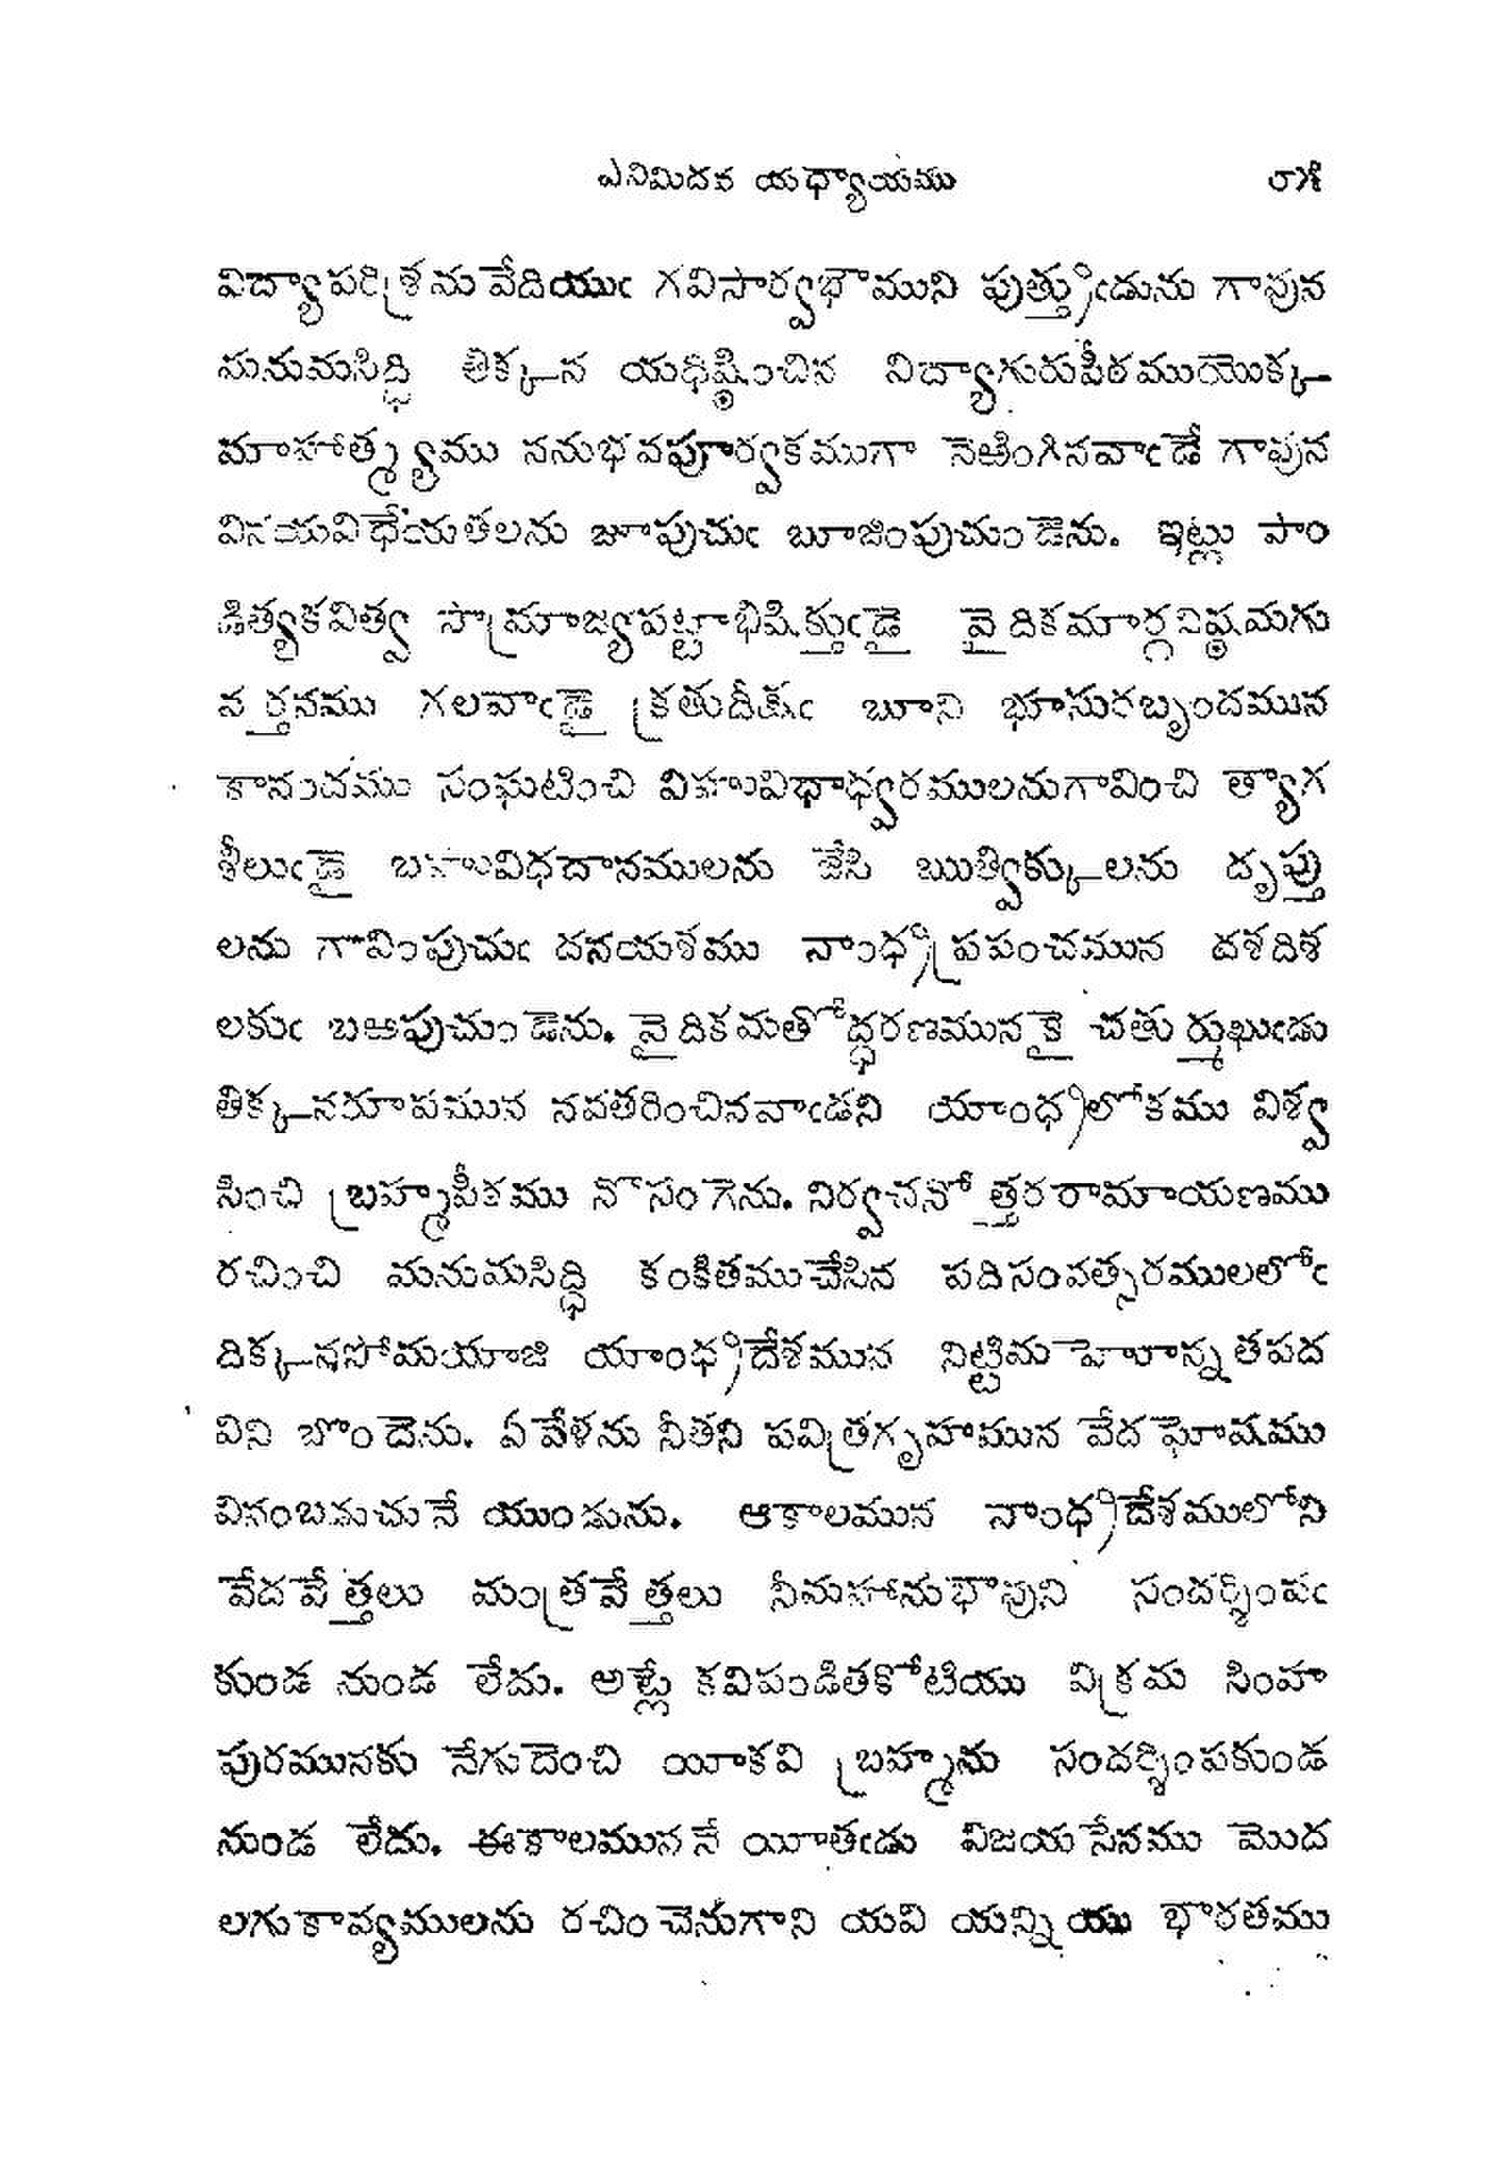విద్యాపరిశ్రమవేదియుఁ గవిసార్వభౌముని పుత్త్రుఁడును గావున మనుమసిద్ధి తిక్కన యధిష్ఠించిన విద్యాగురుపీఠముయొక్క మాహాత్మ్యము ననుభవపూర్వకముగా నెఱింగినవాఁడే గావున వినయవిధేయతలను జూపుచుఁ బూజింపుచుండెను. ఇట్లు పాండిత్యకవిత్వ సామ్రాజ్య పట్టాభిషిక్తుఁడై వైదికమార్గనిష్ఠమగు వర్తనము గలవాఁడై క్రతుదీక్షఁ బూని భూసురబృందమున కానందము సంఘటించి విహువిధాధ్వరములనుగావించి త్యాగశీలుఁడై బహువిధదానములను జేసి ఋత్విక్కులను దృప్తులను గావింపుచుఁ దనయశము నాంధ్రప్రపంచమున దశదిశలకుఁ బఱపుచుండెను. వైదికమతోద్దరణమునకై చతుర్ముఖుఁడు తిక్కనరూపమున నవతరించినవాఁడని యాంధ్రలోకము విశ్వసించి బ్రహ్మపీఠము నొసంగెను. నిర్వచనోత్తరరామాయణము రచించి మనుమసిద్ధి కంకితముచేసిన పదిసంవత్సరములలో దిక్కనసోమయాజి యాంధ్రదేశమున నిట్టిమహెన్నతపదవిని బొందెను. ఏవేళను నీతని పవిత్రగృహమున వేదఘోషము వినంబడుచునే యుండును. ఆకాలమున నాంధ్రదేశములోని వేదవేత్తలు మంత్రవేత్తలు నీమహానుభావుని సందర్శింపఁకుండ నుండ లేదు. అట్లే కవిపండితకోటియు విక్రమ సింహపురమునకు నేగుదెంచి యీకవి బ్రహ్మను సందర్శింపకుండ నుండ లేదు. ఈకాలముననే యీతఁడు విజయసేనము మొదలగుకావ్యములను రచించెనుగాని యవి యన్నియు భారతము